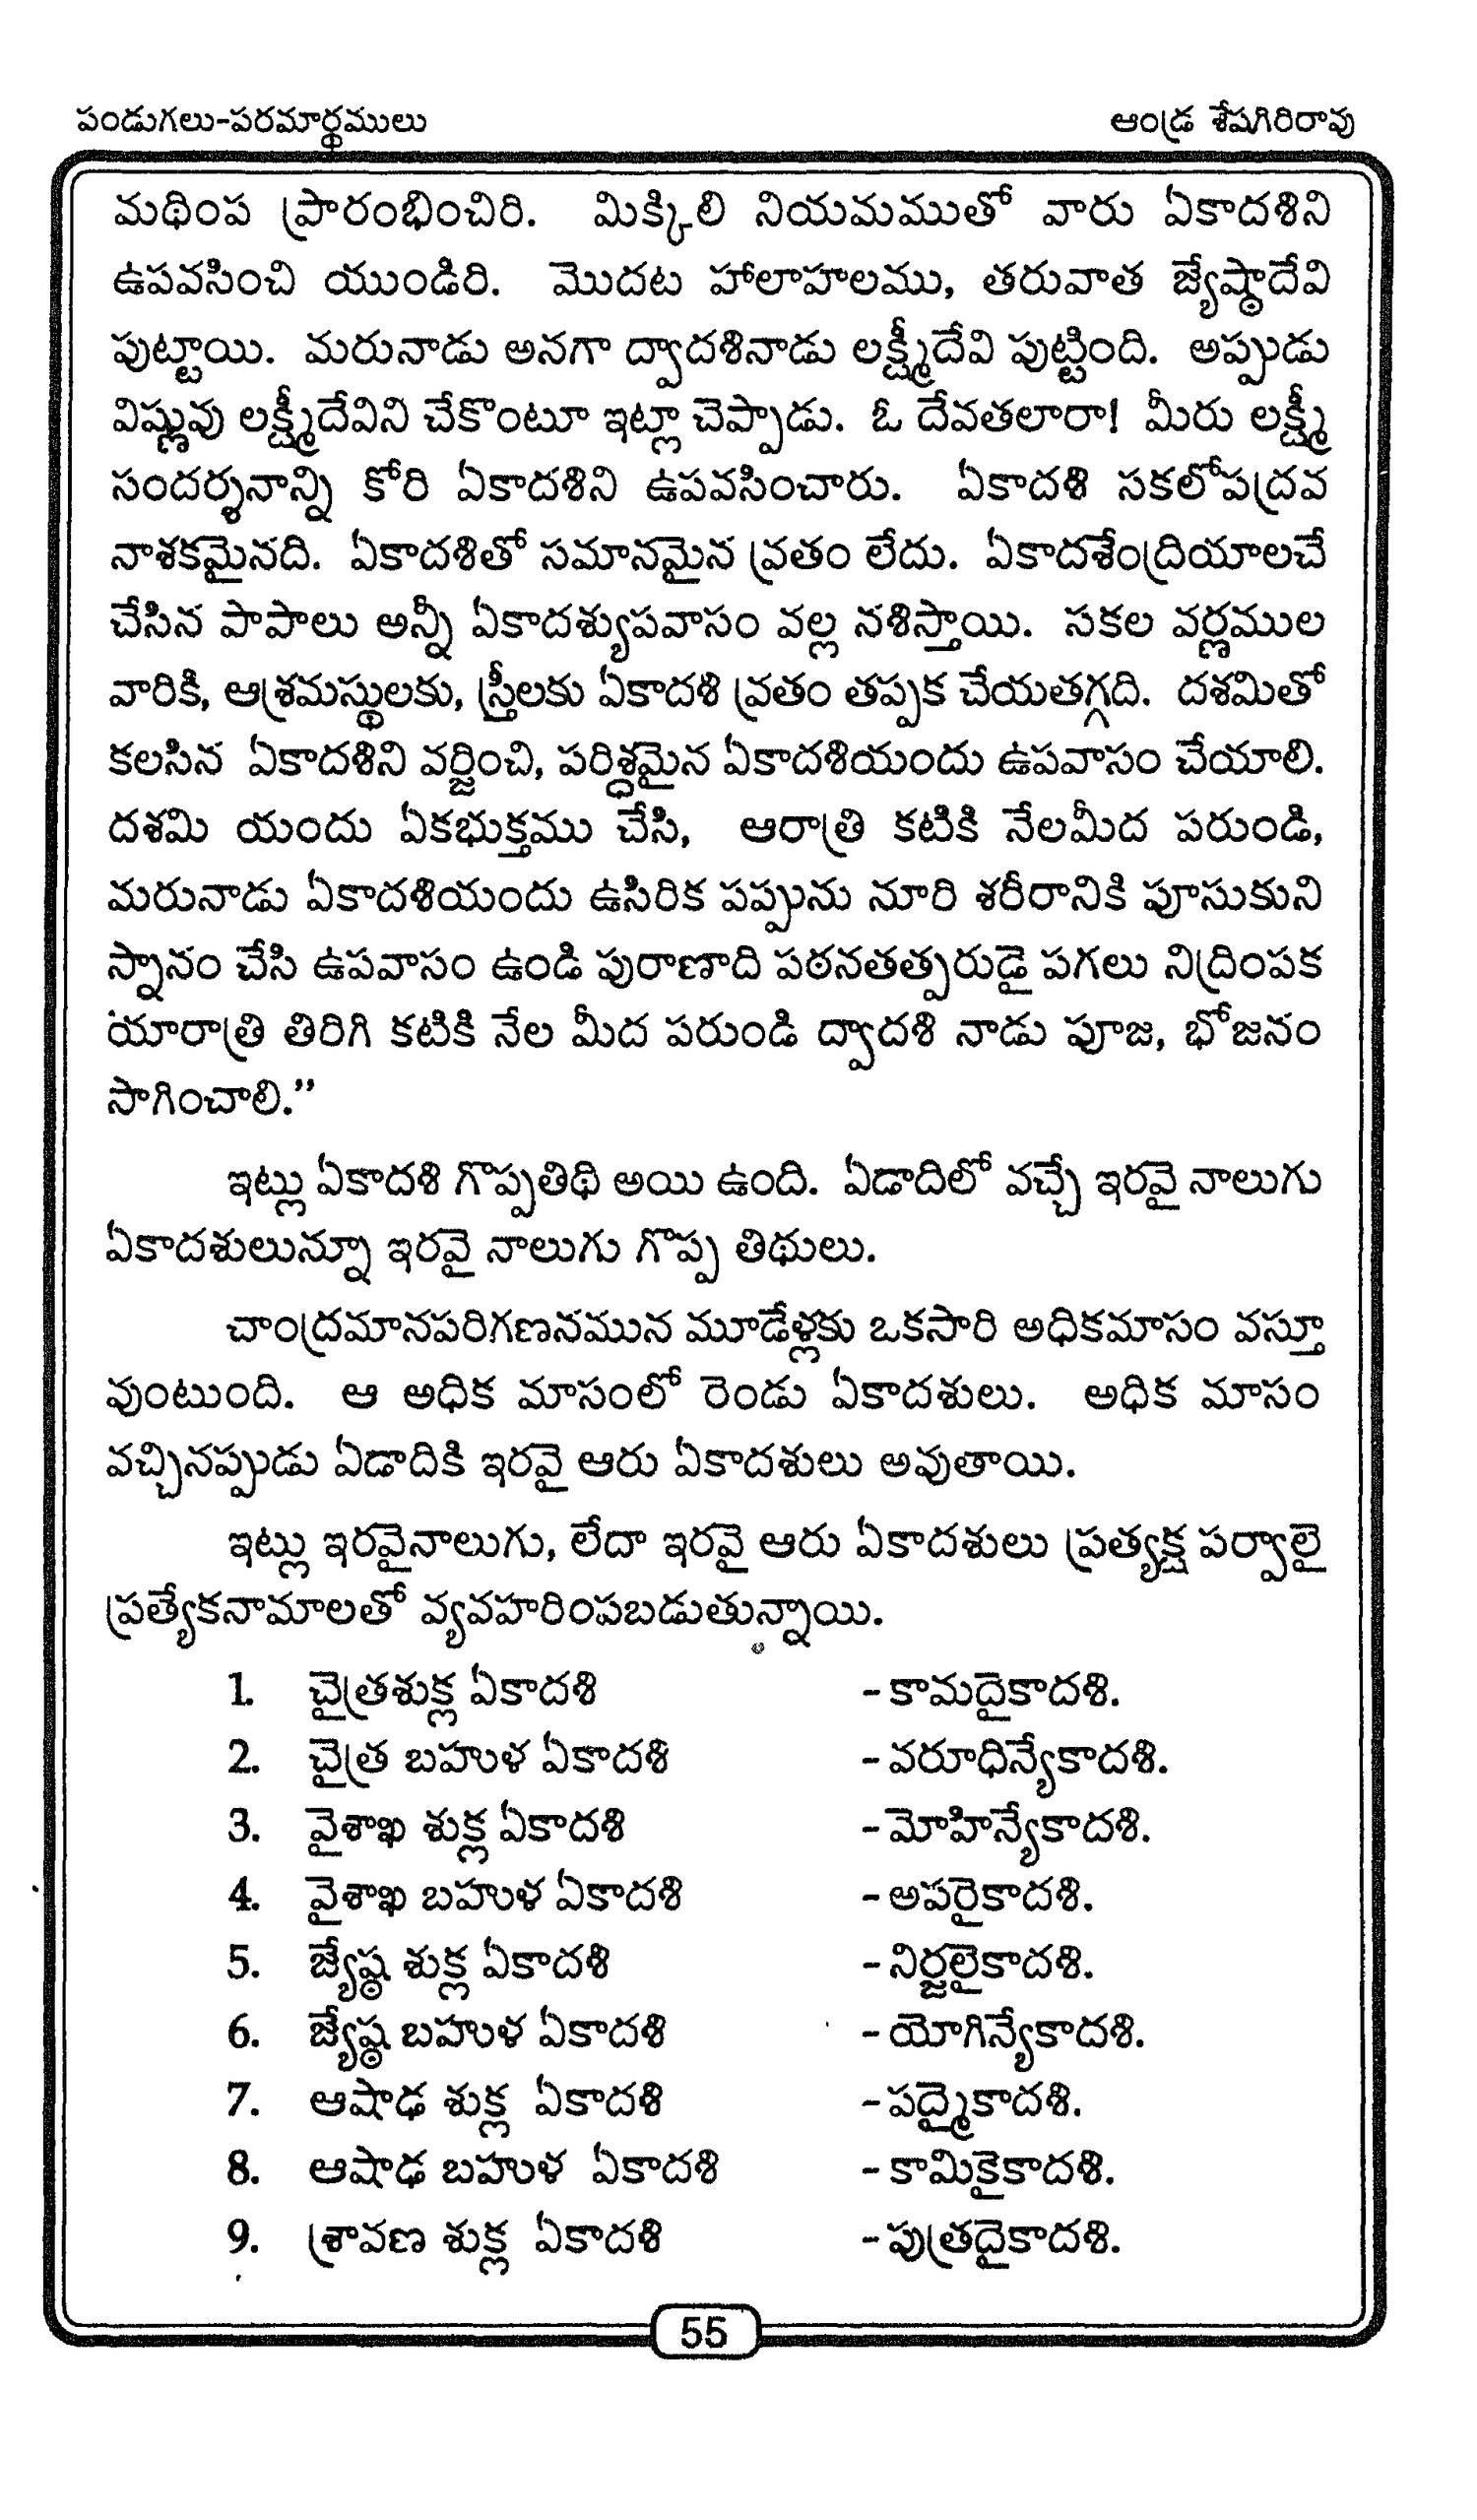మధింప ప్రారంభించిరి. మిక్కిలి నియమముతో వారు ఏకాదశిని ఉపవసించి యుండిరి. మొదట హాలాహలము, తరువాత జ్యేష్ఠాదేవి పుట్టాయి. మరునాడు అనగా ద్వాదశినాడు లక్ష్మీదేవి పుట్టింది. అప్పుడు విష్ణువు లక్ష్మీదేవిని చేకొంటూ ఇట్లా చెప్పాడు. ఓ దేవతలారా! మీరు లక్ష్మీ సందర్శనాన్ని కోరి ఏకాదశిని ఉపసించారు. ఏకాదశి సకలోద్రవ నాశకమైనది. ఏకాదశిలో సమానమైన వ్రతం లేదు. ఏకాదశేంద్రియాలచే చేసిన పాపాలు అన్నీ ఏకాదదశ్యుపవాసం వల్ల నశిస్తాయి. సకల వర్ణముల వారికి, ఆశ్రమస్థులకు, స్త్రీలకు ఏకాదశి వ్రతం తప్పక చేయదగ్గది. దశమితో కలసిన ఏకాదశిని వర్ణించి, పరిశ్ధమైన ఏకాదశియందు ఊఫవాసం చేయాలి. దశమి యందు ఏకభుక్తము చేసి, ఆరాత్రి కటికి నేలమీద పరుండి, మరునాడు ఏకాదశియందు ఉసిరిక పప్పును నూరి శరీరానికి పూసుకుని స్నానం చేసి ఉపవాసం ఉండి పురాణాది పఠనతత్పరుడై పగలు నిద్రింపక యారాత్రి తిరిగి కటికి నేల మీద పరుండి ద్వాదశి నాదు పూజ, భోజనం సాగించాలి."

 ఇట్లు ఏకాదశి గొప్పతిధి అయి ఉంది. ఏడాదిలో వచ్చే ఇరవైనాలుగు ఏకాదశులున్నూ ఇరవై నాలుగు గొప్ప తిధులు.

 చాంద్రమానపరిగణమున మూడేంళ్లకు ఒకసారి అధికమాసం వస్తూ వుంటుంది. ఆ అధిక మాసంలో రెండు ఏకాదశులు. అధిక మాసం వచ్చినప్పుడు ఏడాదికి ఇరవై ఆరు ఏకాదశులు అవుతాయి.

 ఇట్లు ఇరవిఅనాలుగు, లేదా ఇరవై ఆరు ఏకాదశులు ప్రత్యక్షపర్వాలై ప్రత్యేకనామాలతో వ్యవహిరింపబడుతున్నాయి.

1. ఛైత్రశుక్ల ఏకాదశి -కామదైకాదశి.
2. చైత్ర బహుళ ఏకాదశి -వరూధిన్యేకాదశి.
3. వైశాఖ శుక్లఏకదశి -మోహిన్యేకాదశి.
4. వైశాంఅ బహుళ ఏకాదశి -అపరైకాదశి.
5. జ్యేష్ఠ శుక్ల ఏకాదశి -యోగిన్యేకాదశి
6. జ్యేష్ఠ బహుళ ఏకాదశి -యోగిన్యేకాదశి.
7. ఆషాడ శుక్ల ఏకాదశి -పద్మైకాదశి.
8. ఆషాడ బహళ ఏకాదశి -కామికైకాదశి.
9. శ్రావణ శుక్ల ఏకాదశి -పుత్రదైకాదశి.